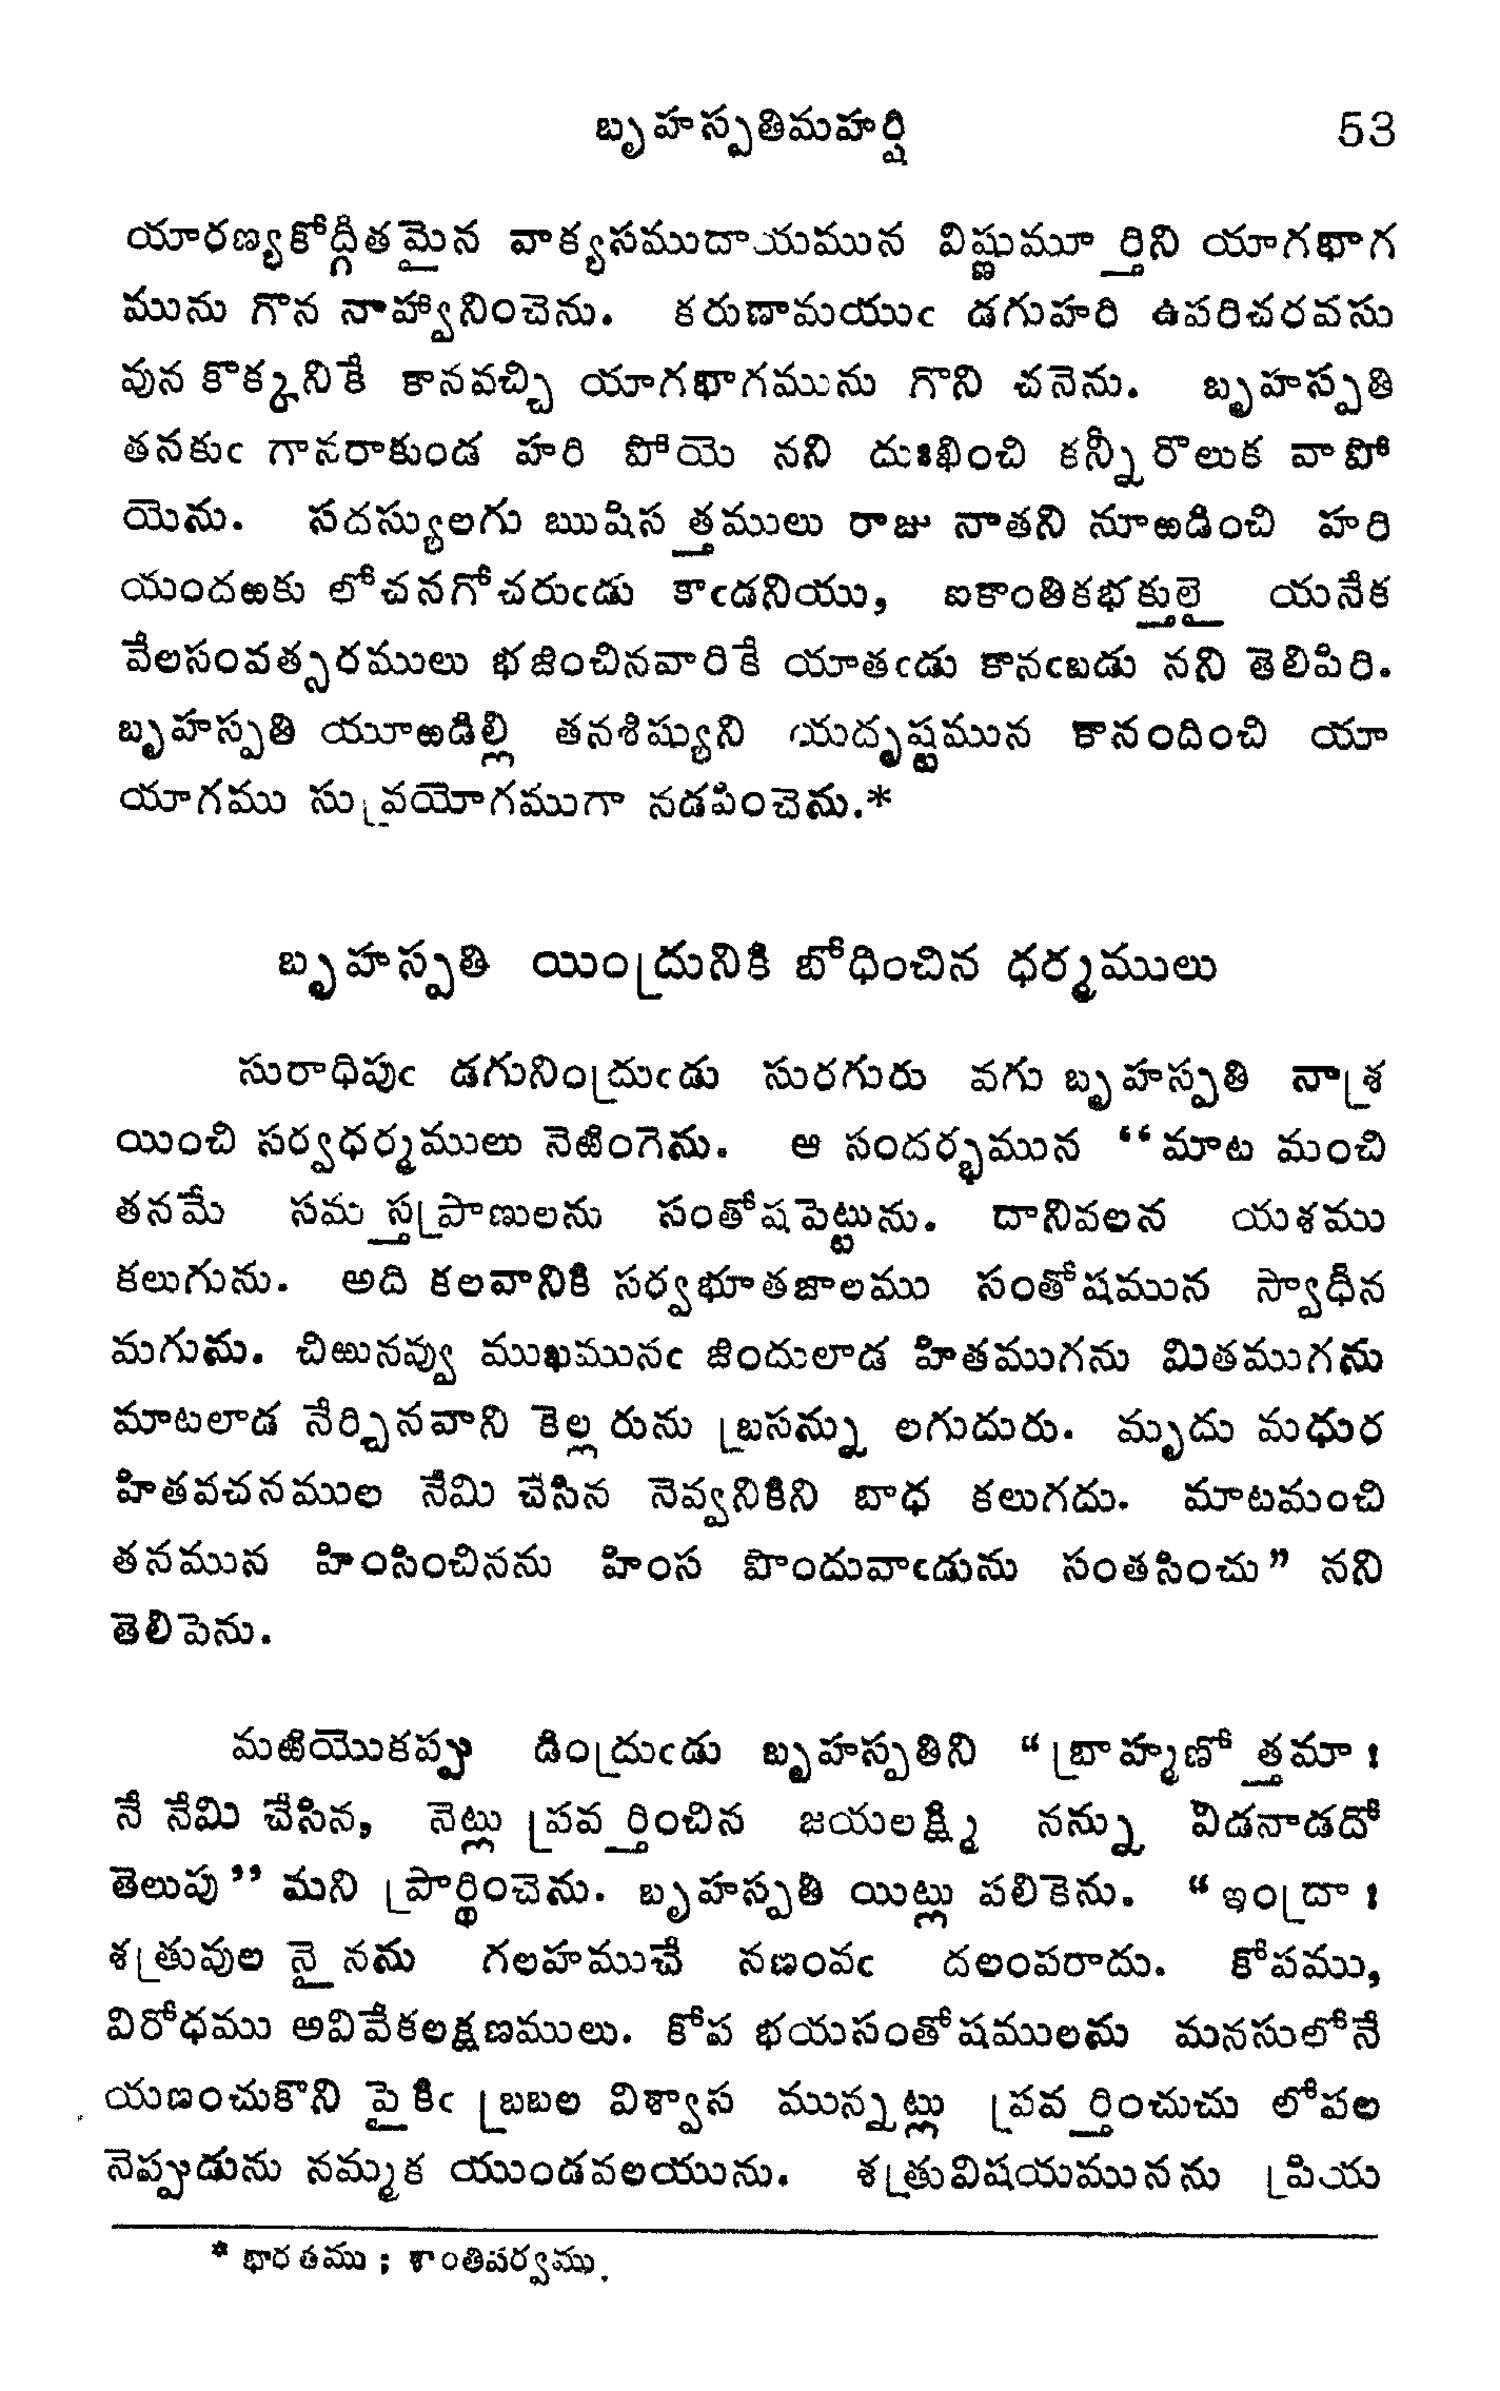యారణ్య కోద్గీతమైన వాక్యసముదాయమున విష్ణుమూర్తిని యాగభాగమును గాన నాహ్వానించెను. కరుణామయుఁ డగుహరి ఉపరిచరవసువున కొక్కనికే కానవచ్చి యాగభాగమును గొని చనెను. బృహస్పతి తనకుఁ గానరాకుండ హరి పోయె నని దుఃఖించి కన్నీరొలుక వాపోయెను. సదస్యులగు ఋషిసత్తములు రాజు నాతని నూఱడించి హరి యందఱకు లోచనగోచరుఁడు కాఁడనియు, ఐకాంతికభక్తులై యనేక వేలసంవత్సరములు భజించినవారికే యాతఁడు కానఁబడు నని తెలిపిరి. బృహస్పతి యూఱడిల్లి తనశిష్యుని యదృష్టమున కానందించి యా యాగము సువ్రయోగముగా నడపించెను.*

బృహస్పతి యింద్రునికి బోధించిన ధర్మములు

సురాధిపుఁ డగునింద్రుఁడు సురగురు వగు బృహస్పతి నాశ్రయించి సర్వధర్మములు నెఱింగెను. ఆ సందర్భమున “మాట మంచితనమే సమస్త ప్రాణులను సంతోషపెట్టును. దానివలన యశము కలుగును. అది కలవానికి సర్వభూతజాలము సంతోషమున స్వాధీనమగును. చిఱునవ్వు ముఖమునఁ జిందులాడ హితముగను మితముగను మాటలాడ నేర్చినవాని కెల్లరును బ్రసన్ను లగుదురు. మృదు మధుర హితవచనముల నేమి చేసిన నెవ్వనికిని బాధ కలుగదు. మాటమంచి తనమున హింసించినను హింస పొందువాఁడును సంతసించు" నని తెలిపెను.

మఱియొకప్పు డింద్రుఁడు బృహస్పతిని "బ్రాహ్మణోత్తమా! నే నేమి చేసిన, నెట్లు ప్రవర్తించిన జయలక్ష్మీ నన్ను విడనాడదో తెలుపు" మని ప్రార్థించెను. బృహస్పతి యిట్లు పలికెను. "ఇంద్రా! శత్రువుల నై నను గలహముచే నణంవఁ దలంపరాదు. కోపము, విరోధము అవివేకలక్షణములు. కోప భయసంతోషములను మనసులోనే యణంచుకొని పైకిఁ బ్రబల విశ్వాస మున్నట్లు ప్రవర్తించుచు లోపల నెప్పుడును నమ్మక యుండవలయును. శత్రువిషయమునను ప్రియ